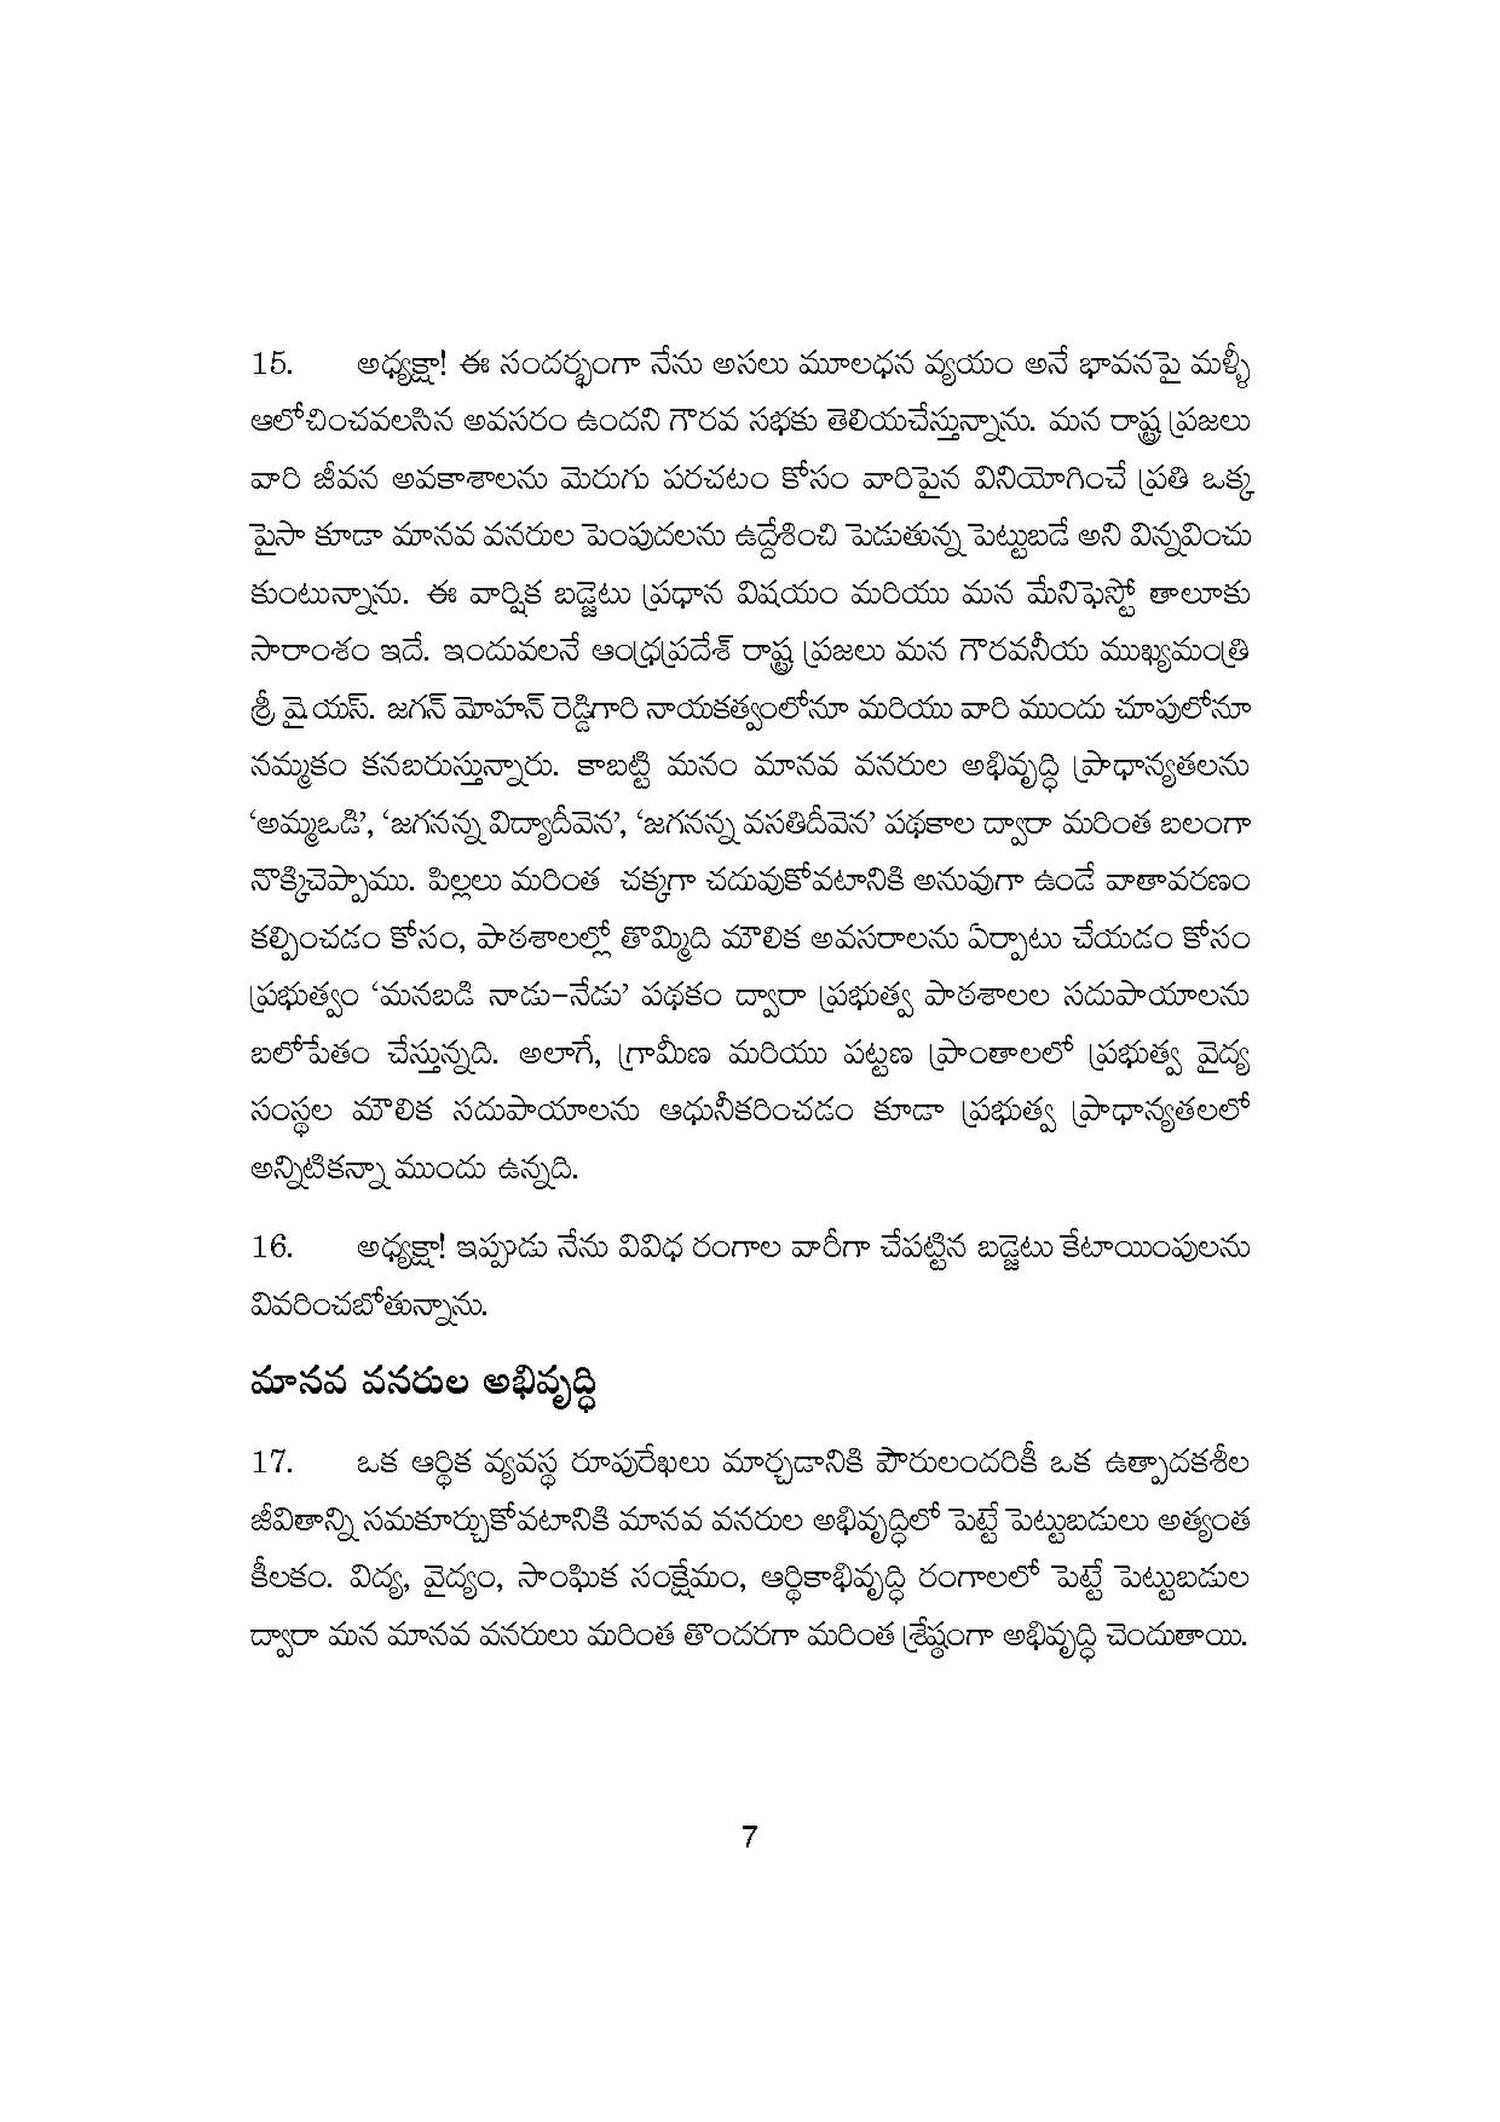15. అధ్యక్షా! ఈ సందర్భంగా నేను అసలు మూలధన వ్యయం అనే భావనపై మళ్ళీ ఆలోచించవలసిన అవసరం ఉందని గౌరవ సభకు తెలియచేస్తున్నాను. మన రాష్ట్ర ప్రజలు వారి జీవన అవకాశాలను మెరుగు పరచటం కోసం వారిపైన వినియోగించే ప్రతి ఒక్క పైసా కూడా మానవ వనరుల పెంపుదలను ఉద్దేశించి పెడుతున్న పెట్టుబడే అని విన్నవించు కుంటున్నాను. ఈ వార్షిక బడ్జెటు ప్రధాన విషయం మరియు మన మేనిఫెస్టో తాలూకు సారాంశం ఇదే. ఇందువలనే ఆంధ్రప్రదేశ్ రాష్ట్ర ప్రజలు మన గౌరవనీయ ముఖ్యమంత్రి శ్రీ వైయస్. జగన్ మోహన్ రెడ్డిగారి నాయకత్వంలోనూ మరియు వారి ముందు చూపులోనూ నమ్మకం కనబరుస్తున్నారు. కాబట్టి మనం మానవ వనరుల అభివృద్ధి ప్రాధాన్యతలను ‘అమ్మఒడి', 'జగనన్న విద్యాదీవెన', 'జగనన్న వసతిదీవెన’ పథకాల ద్వారా మరింత బలంగా నొక్కిచెప్పాము. పిల్లలు మరింత చక్కగా చదువుకోవటానికి అనువుగా ఉండే వాతావరణం కల్పించడం కోసం, పాఠశాలల్లో తొమ్మిది మౌలిక అవసరాలను ఏర్పాటు చేయడం కోసం ప్రభుత్వం 'మనబడి నాడు-నేడు' పథకం ద్వారా ప్రభుత్వ పాఠశాలల సదుపాయాలను బలోపేతం చేస్తున్నది. అలాగే, గ్రామీణ మరియు పట్టణ ప్రాంతాలలో ప్రభుత్వ వైద్య సంస్థల మౌలిక సదుపాయాలను ఆధునీకరించడం కూడా ప్రభుత్వ ప్రాధాన్యతలలో అన్నిటికన్నా ముందు ఉన్నది. 

16. అధ్యక్షా! ఇప్పుడు నేను వివిధ రంగాల వారీగా చేపట్టిన బడ్జెటు కేటాయింపులను వివరించబోతున్నాను. 

మానవ వనరుల అభివృద్ధి 

17. ఒక ఆర్థిక వ్యవస్థ రూపురేఖలు మార్చడానికి పౌరులందరికీ ఒక ఉత్పాదకశీల జీవితాన్ని సమకూర్చుకోవటానికి మానవ వనరుల అభివృద్ధిలో పెట్టే పెట్టుబడులు అత్యంత కీలకం. విద్య, వైద్యం, సాంఘిక సంక్షేమం, ఆర్థికాభివృద్ధి రంగాలలో పెట్టే పెట్టుబడుల ద్వారా మన మానవ వనరులు మరింత తొందరగా మరింత శ్రేష్ఠంగా అభివృద్ధి చెందుతాయి.